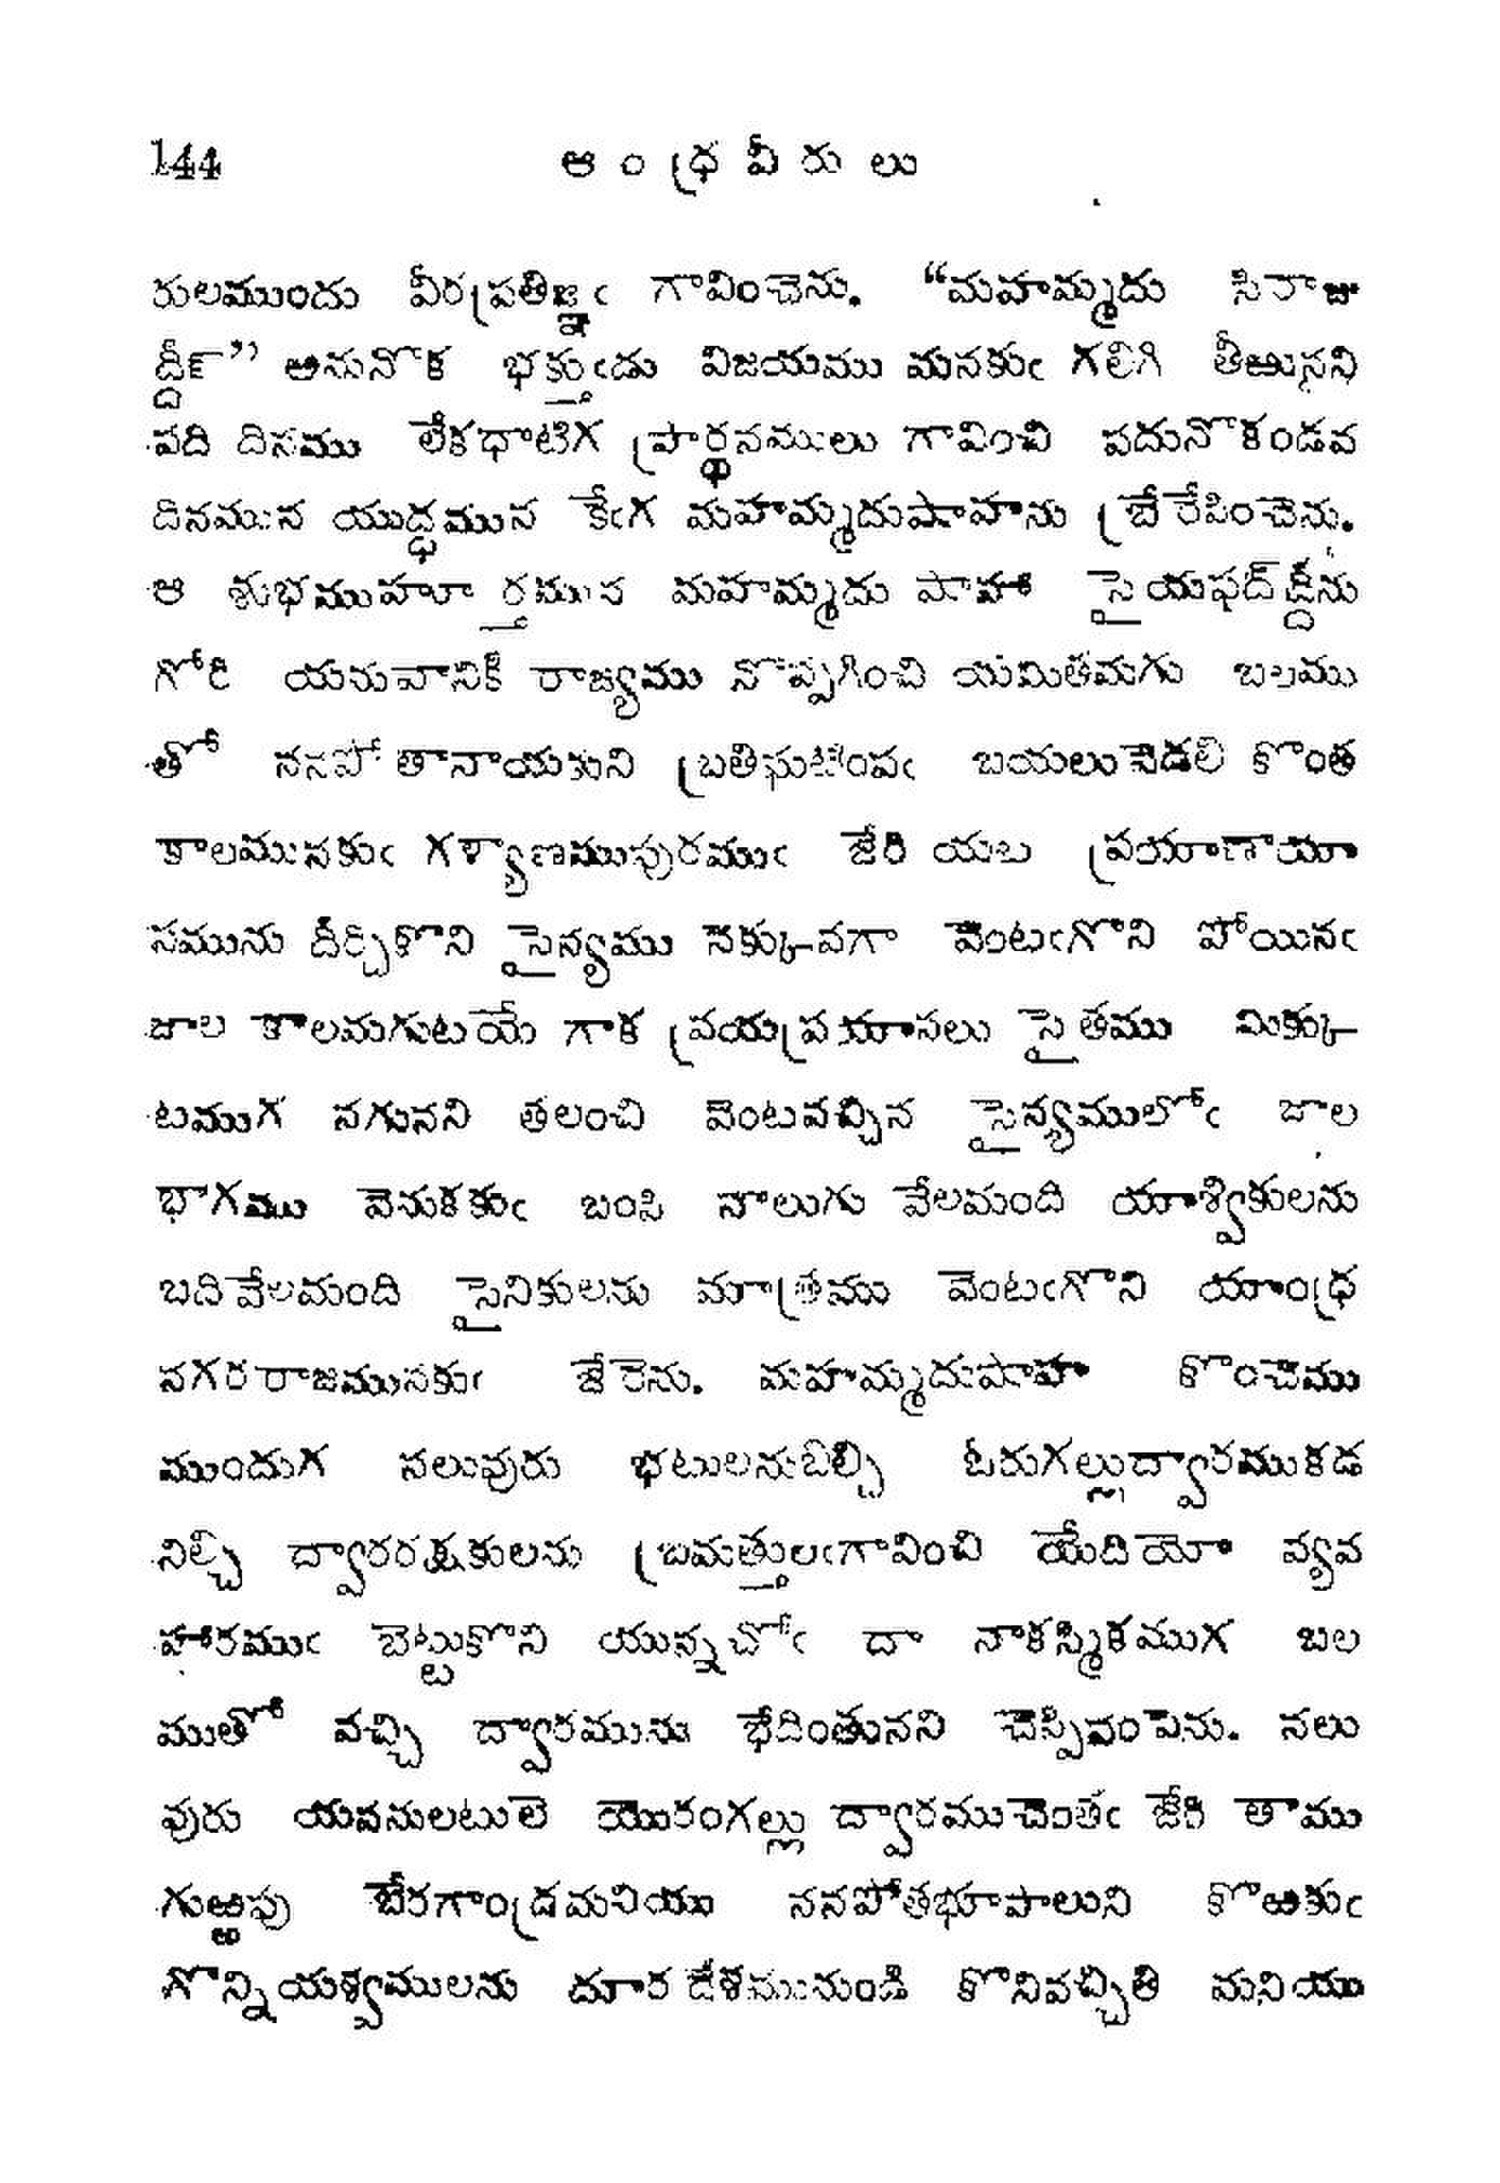రులముందు వీరప్రతిజ్ఞ గావించెను. "మహమ్మదు సిరాజుద్దీన్" అనునొక భక్తుడు విజయము మనకు గలిగి తీఱునని పది దినము లేకధాటిగ ప్రార్థనములు గావించి పదునొకండవ దినమున యుద్ధమున కేగ మహమ్మదుషాహాను బ్రేరేపించెను. ఆ శుభముహూర్తమున మహమ్మదు షాహా సైయఫద్‌ద్దిను గోరి యనువానికి రాజ్యము నొప్పగించి యమితమగు బలముతో ననపోతానాయకుని బ్రతిఘటింప బయలువెడలి కొంత కాలమునకు గళ్యాణపురము జేరి యట ప్రయాణాయాసమును దీర్చికొని సైన్యము నెక్కువగా వెంటగొని పోయిన జాల కాలమగుటయే గాక వ్రయప్రయాసలు సైతము మిక్కుటముగ నగునని తలంచి వెంటవచ్చిన సైన్యములో జాలభాగము వెనుకకు బంపి నాలుగు వేలమంది యాశ్వికులను బదివేలమంది సైనికులను మాత్రము వెంటగొని యాంధ్ర నగరరాజమునకు జేరెను. మహమ్మదుషాహ కొంచెము ముందుగ నలువురు భటులనుబిల్చి ఓరుగల్లుద్వారముకడ నిల్చి ద్వారరక్షకులను బ్రమత్తులగావించి యేదియో వ్యవహారము బెట్టుకొని యున్నచో దా నాకస్మికముగ బలముతో వచ్చి ద్వారమును భేదింతునని చెప్పిపంపెను. నలువురు యవనులటులె యొరంగల్లు ద్వారముచెంత జేరి తాము గుఱ్ఱపు బేరగాండ్రమనియు ననపోతభూపాలుని కొఱకు గొన్ని యశ్వములను దూరదేశమునుండి కొనివచ్చితి మనియు